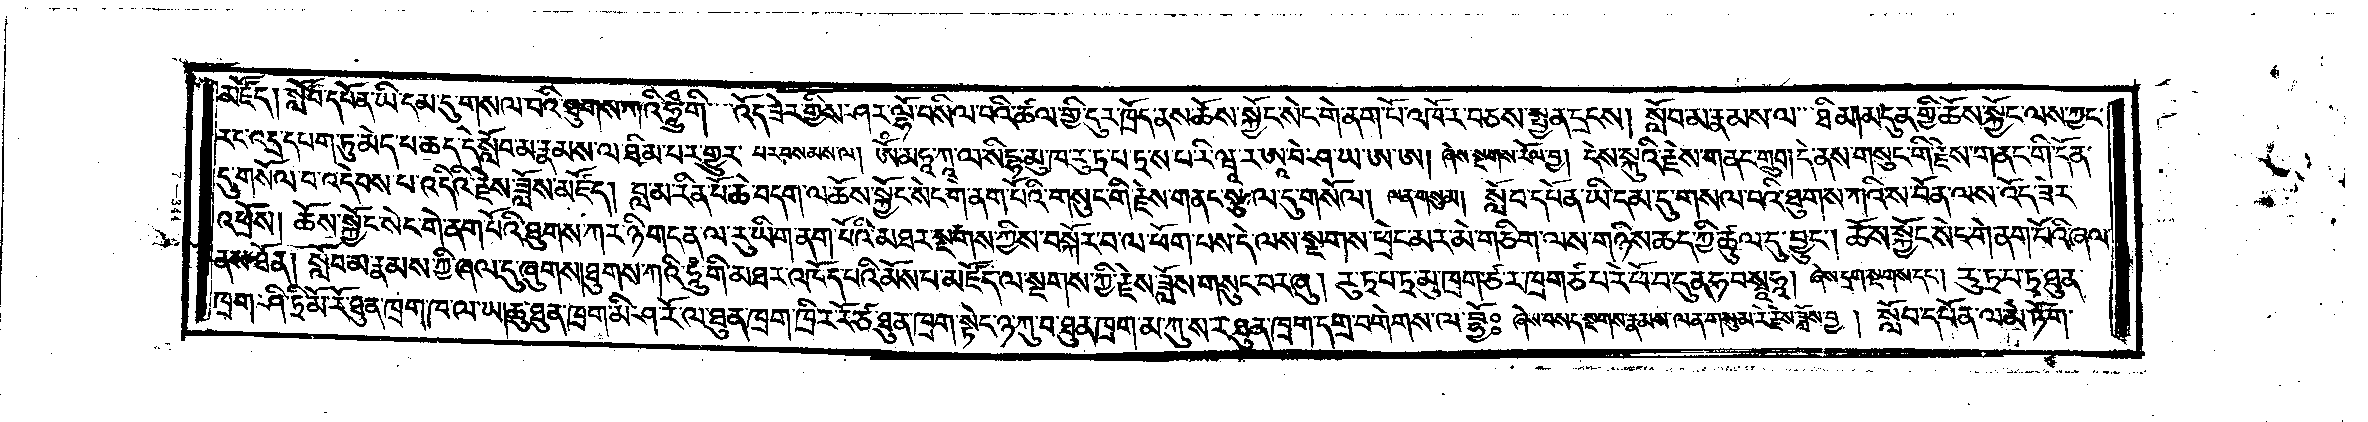མཛོད། སློབ་དཔོན་ཡི་དམ་དུ་གསལ་བའི་ཐུགས་ཀའི་ཧཱུཾ་གི་འོད་ཟེར་གྱིས་ཤར་ལྷོ་བསིལ་བའི་ཚལ་གྱི་དུར་ཁྲོད་ནས་ཆོས་སྐྱོང་སེང་གེ་ནག་པོ་འཁོར་བཅས་སྤྱན་དྲངས། སློབ་མ་རྣམས་ལ་ཐིམ། མདུན་གྱི་ཆོས་སྐྱོང་ལས་ཀྱང་
རང་འདྲ་དཔག་ཏུ་མེད་པ་ཆད་དེ་སློབ་མ་རྣམས་ལ་ཐིམ་པར་གྱུར་པར་བསམས་ལ།  ཨོཾ་མཧཱ་ཀཱ་ལ་སིདྷ་མུ་ཁ་རུ་ཏྲ་པ་ཏྲ་ས་པ་རི་ཝཱ་ར་ཨཱ་བེ་ཤ་ཡ་ཨ་ཨ། ཞེས་སྔགས་རོལ་བྱ།  དེས་སྐུའི་རྗེས་གནང་གྲུབ། དེ་ནས་གསུང་གི་རྗེས་གནང་གི་དོན་
དུ་གསོལ་བ་འདེབས་པ་འདིའི་རྗེས་ཟློས་མཛོད། བླ་མ་རིན་པོ་ཆེ་བདག་ལ་ཆོས་སྐྱོང་སེང་གེ་ནག་པོའི་གསུང་གི་རྗེས་གནང་སྩལ་དུ་གསོལ། ལན་གསུམ།  སློབ་དཔོན་ཡི་དམ་དུ་གསལ་བའི་ཐུགས་ཀའི་ས་བོན་ལས་འོད་ཟེར་
འཕྲོས། ཆོས་སྐྱོངས་སེང་གེ་ནག་པོའི་ཐུགས་ཀར་ཉི་གདན་ལ་རུ་ཡིག་ནག་པོའི་མཐར་སྔགས་ཀྱིས་བསྐོར་པ་ལ་ཕོག་པས་དེ་ལས་སྔགས་ཕྲེང་མར་མེ་གཅིག་ལས་གཉིས་ཆད་ཀྱི་ཚུལ་དུ་བྱུང་། ཆོས་སྐྱོང་སེང་གེ་ནག་པོའི་ཞལ་
ནས་ཐོན། སློབ་མ་རྣམས་ཀྱི་ཞལ་དུ་ཞུགས། ཐུགས་ཀའི་ཧཱུཾ་གི་མཐར་འཁོད་པའི་མོས་པ་མཛོད་ལ་སྔགས་ཀྱི་རྗེས་ཟློས་གསུང་པར་ཞུ། རུ་ཏྲ་པ་ཏྲ་མུ་ཁྲག་ཙར་ཁྲག་ཙ་པ་རེ་ཕོ་བ་དུན་ཧ་བ་སྭཱཧཱ། ཞེས་དྲག་སྔགས་དང་།  རུ་ཏྲ་པ་ཏྲ་ཐུན་
ཁྲག་ཤི་ཏྲི་མོ་རོ་ཐུན་ཁྲག་ཁ་ལ་ཡ། ཆུ་ཐུན་བྲག་མི་ཤ་རོ་ལ་ཐུན་ཁྲག་ཁྲིར་རོ་ཙ་ཐུན་ཁྲག་སྟེང་ཉ་གུ་བ་ཐུན་ཁྲག་མ་ཀུ་ས་ར་ཐུན་ཁྲག་དགྲ་བགེགས་ལ་བྷྱོཿཞེས་བསད་སྤགས་རྣམས་ལན་གསུམ་རེ་རྗེས་ཟློས་བྱ།  སློབ་དཔོན་ལ་མི་ཏོག་